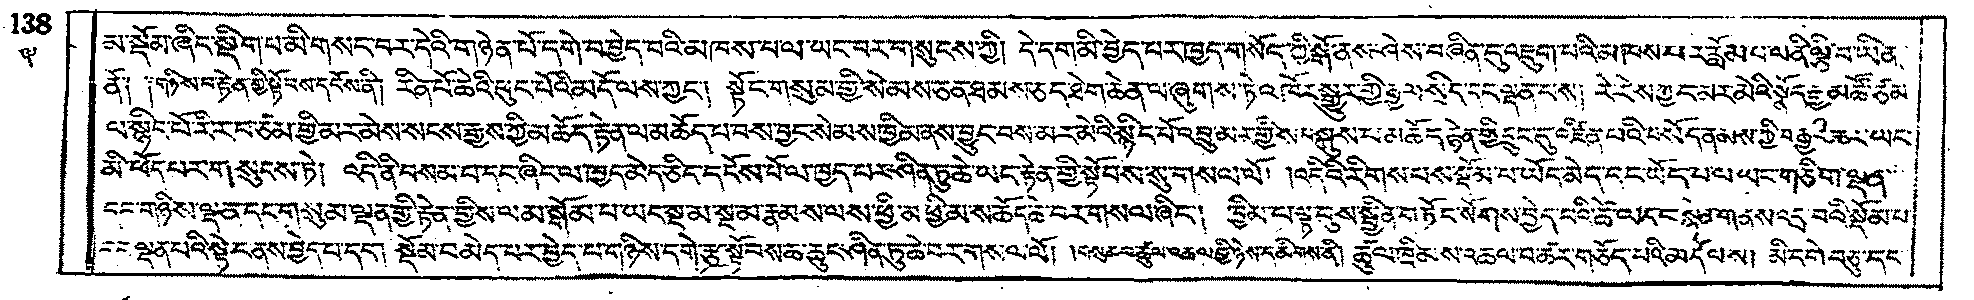མ་སྡོམ་ཞིང་སྡིག་པ་མི་གསང་བར་དེའི་གཉེན་པོ་དགེ་བ་བྱེད་པའི་མཁས་པ་ལ་ཡང་བར་གསུངས་ཀྱི། དེ་དག་མི་བྱེད་པར་ཁྱད་གསོད་ཀྱི་སྒོ་ནས་ཤེས་བཞིན་དུ་འཇུག་པའི་མཁས་པར་རློམ་པ་ལ་ནི་ལྕི་བ་ཡིན་
ནོ༑ ༑གཉིས་པ་རྟེན་གྱི་སྟོབས་དངོས་ནི།  རིན་པོ་ཆེའི་ཕུང་པོའི་མདོ་ལས་ཀྱང་། སྟོང་གསུམ་གྱི་སེམས་ཅན་ཐམས་ཅད་ཐེག་ཆེན་ལ་ཞུགས་ཏེ་འཁོར་སྒྱུར་གྱི་རྒྱལ་སྲིད་དང་ལྡན་པས། རེ་རེས་ཀྱང་མར་མེའི་སྣོད་རྒྱ་མཚོ་ཙམ་
ལ་སྙིང་པོ་རི་རབ་ཙམ་གྱི་མར་མེས་སངས་རྒྱས་ཀྱི་མཆོད་རྟེན་ལ་མཆོད་པ་བས་བྱང་སེམས་ཁྱིམ་ནས་བྱུང་བས་མར་མེའི་སྙིང་པོ་འབྲུ་མར་གྱིས་བསྐུས་པ་མཆོད་རྟེན་གྱི་དྲུང་དུ་འཛིན་པའི་བསོད་ནམས་ཀྱི་བརྒྱའི་ཆར་ཡང་
མི་ཕོད་པར་གསུངས་ཏེ། འདི་ནི་བསམ་པ་དང་ཞིང་ལ་ཁྱད་མེད་ཅིང་དངོས་པོ་ལ་ཁྱད་པར་ཤིན་ཏུ་ཆེ་ཡང་རྟེན་གྱི་སྟོབས་སུ་གསལ་ལོ། །འདིའི་རིགས་པས་སྡོམ་པ་ཡོད་མེད་དང་ཡོད་པ་ལ་ཡང་གཅིག་ལྡན་
དང་གཉིས་ལྡན་དང་གསུམ་ལྡན་གྱི་རྟེན་གྱི་ལམ་སྒོམ་པ་ཡང་སྔ་མ་སྔ་མ་སྔ་མ་རྣམས་ལས་ཕྱི་མ་ཕྱི་མ་ཕྱི་མ་ས་ཆོད་ཆེ་བར་གསལ་ཞིང་། ཁྱིམ་པ་ལྟ་བུས་སྦྱིན་གཏོང་སོགས་བྱེད་པའི་ཚེ་ལ་དང་བསྙེན་གནས་འདྲ་བའི་སྡོམ་པ་
དང་ལྡན་པའི་སྟེང་ནས་བྱེད་པ་དང་། སྡོམ་པ་མེད་པར་བྱེད་པ་གཉིས་དགེ་རྩ་སྟོབས་ཆ་ཆུང་ཤིན་ཏུ་ཆེ་བར་གསལ་ལོ། །གསུམ་བ་ཚུལ་འཆལ་གྱི་ཉེས་དམིགས་ནི།  ཚུལ་ཁྲིམས་འཆལ་བ་ཚར་གཅོད་པའི་མདོ་ལས། མི་དགེ་བཅུ་དང་